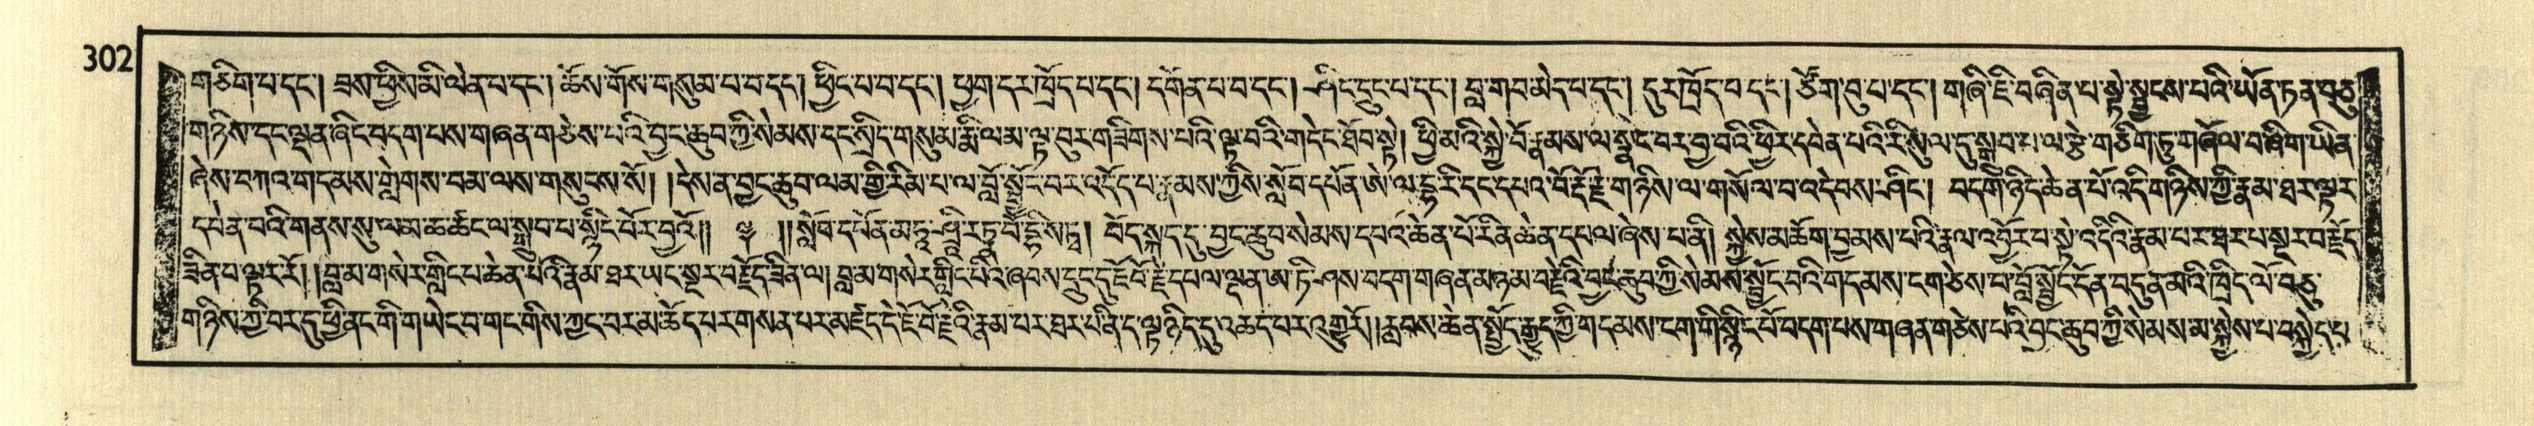གཅིག་པ་དང་། བྲས་ཕྱིས་མི་ལེན་པ་དང་། ཆོས་གོས་གསུམ་པ་བ་དང་། ཕྱིང་པ་བ་དང་། ཕྱག་དར་ཁྲོད་པ་དང་། དགོན་པ་བ་དང་། ཤིང་དྲུང་པ་དང་། བླ་གབ་མེད་པ་དང་། དུར་ཁྲོད་བ་དང་། ཙོག་བུ་པ་དང་། གཞི་ཇི་བཞིན་པ་སྟེ་སྦྱངས་པའི་ཡོན་ཏན་བཅུ་
གཉིས་དང་ལྡན་ཞིང་བདག་པས་གཞན་གཅེས་པའི་བྱང་ཆུབ་ཀྱི་སེམས་དང་སྲིད་གསུམ་རྨི་ལམ་ལྟ་བུར་གཟིགས་པའི་ལྟ་བའི་གདེང་ཐོབ་སྟེ། ཕྱི་མའི་སྐྱེ་བོ་རྣམས་ལ་སྣང་བར་བྱ་བའི་ཕྱིར་དབེན་པའི་རི་སུལ་དུ་སྒྲུབ་པ་ལ་རྩེ་གཅིག་ཏུ་གཞོལ་བ་ཞིག་ཡིན་
ཞེས་བཀའ་གདམས་གླེགས་བམ་ལས་གསུངས་སོ། །དེས་ན་བྱང་ཆུབ་ལམ་གྱི་རིམ་པ་ལ་བློ་སྦྱོང་བར་འདོད་པ་རྣམས་ཀྱིས་སློབ་དཔོན་ཨེ་ལ་དྷ་རི་དང་དཔའ་བོ་རྡོ་རྗེ་གཉིས་ལ་གསོལ་བ་འདེབས་ཤིང་། བདག་ཉིད་ཆེན་པོ་འདི་གཉིས་ཀྱི་རྣམ་ཐར་ལྟར་
དབེན་བའི་གནས་སུ་ལམ་ཆ་ཚང་ལ་སྒྲུབ་པ་སྙིང་པོར་བྱའོ།། ༈ །།སློབ་དཔོན་མཧཱ་ཤྲཱི་རཏྣ་བོ་དྷི་སཏྭ། བོད་སྐད་དུ་བྱང་ཆུབ་སེམས་དཔའ་ཆེན་པོ་རིན་ཆེན་དཔལ་ཞེས་པ་ནི། སྐྱེས་མཆོག་བྱམས་པའི་རྣལ་འབྱོར་པ་སྟེ་འདིའི་རྣམ་པར་ཐར་པ་སྔར་བརྗོད་
ཟིན་པ་ལྟར་རོ། །བླ་མ་གསེར་གླིང་པ་ཆེན་པོའི་རྣམ་ཐར་ཡང་སྔར་བརྗོད་ཟིན་ལ། བླ་མ་གསེར་གླིང་པའི་ཞབས་དྲུང་དུ་ཇོ་བོ་རྗེ་དཔལ་ལྡན་ཨ་ཏི་ཤས་བདག་གཞན་མཉམ་བརྗེའི་བྱང་ཆུབ་ཀྱི་སེམས་སྦྱོད་བའི་གདམས་ངག་ཅེས་བ་བློ་སྦྱོང་དོན་བདུན་མའི་ཁྲིད་ལོ་བཅུ་
གཉིས་ཀྱི་བར་དུ་ཕྱི་ནང་གི་གཡེང་བ་གང་གིས་ཀྱང་བར་མཆོད་པར་གསན་པར་མཛད་དེ་ཇོ་བོ་རྗེའི་རྣམ་པར་ཐར་པ་ནི་ད་ལྟ་ཉིད་དུ་འཆད་པར་འགྱུར་རོ། །རླབས་ཆེན་སྤྱོད་རྒྱུད་ཀྱི་གདམས་ངག་གི་སྙིང་བོ་བདག་པས་གཞན་གཅེས་པའི་བྱང་ཆུབ་ཀྱི་སེམས་མ་སྐྱེས་པ་བསྐྱེད་པ་